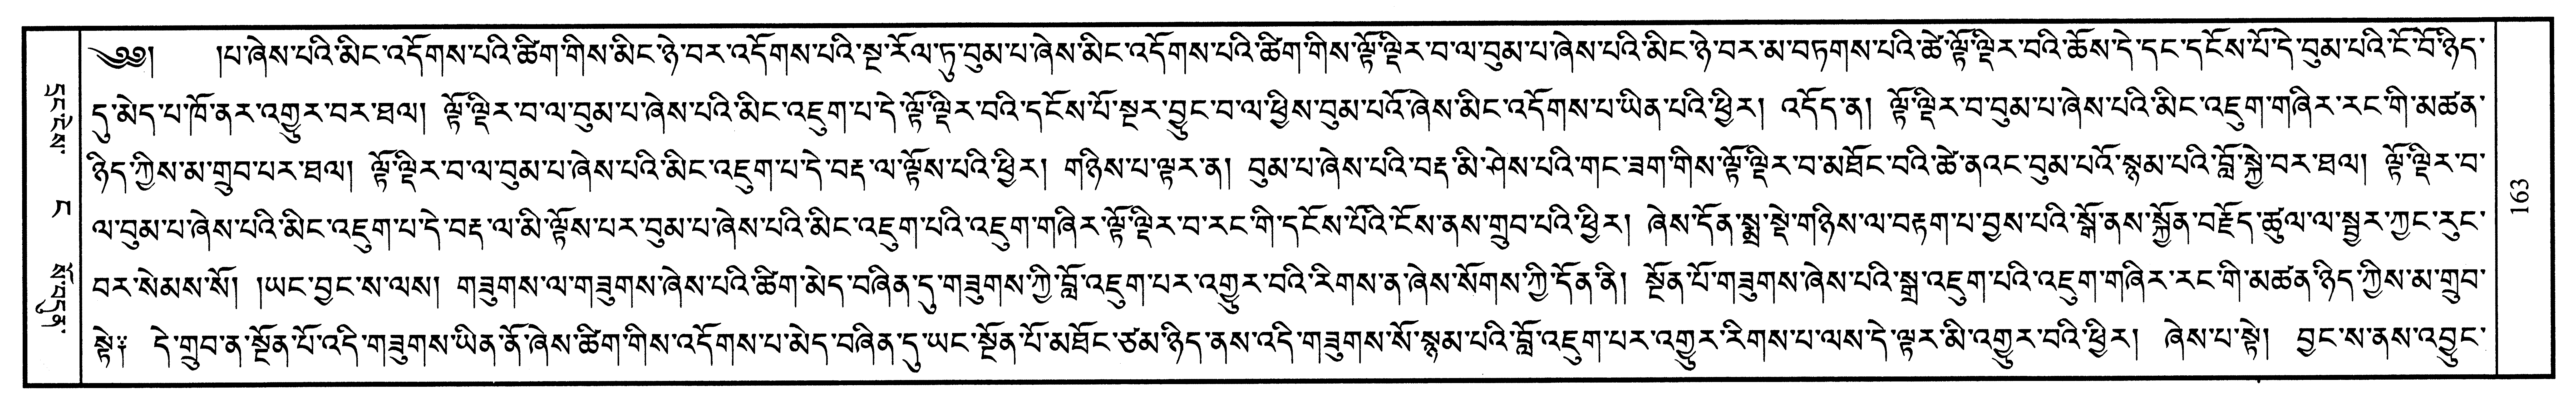༄༅། །པ་ཞེས་པའི་མིང་འདོགས་པའི་ཚིག་གིས་མིང་ཉེ་བར་འདོགས་པའི་སྔ་རོལ་ཏུ་བུམ་པ་ཞེས་མིང་འདོགས་པའི་ཚིག་གིས་ལྟོ་ལྡིར་བ་ལ་བུམ་པ་ཞེས་པའི་མིང་ཉེ་བར་མ་བཏགས་པའི་ཚེ་ལྟོ་ལྡིར་བའི་ཆོས་དེ་དང་དངོས་པོ་དེ་བུམ་པའི་ངོ་བོ་ཉིད་
དུ་མེད་པ་ཁོ་ནར་འགྱུར་བར་ཐལ། ལྟོ་ལྡིར་བ་ལ་བུམ་པ་ཞེས་པའི་མིང་འཇུག་པ་དེ་ལྟོ་ལྡིར་བའི་དངོས་པོ་སྔར་བྱུང་བ་ལ་ཕྱིས་བུམ་པའོ་ཞེས་མིང་འདོགས་པ་ཡིན་པའི་ཕྱིར། འདོད་ན། ལྟོ་ལྡིར་བ་བུམ་པ་ཞེས་པའི་མིང་འཇུག་གཞིར་རང་གི་མཚན་
ཉིད་ཀྱིས་མ་གྲུབ་པར་ཐལ། ལྟོ་ལྡིར་བ་ལ་བུམ་པ་ཞེས་པའི་མིང་འཇུག་པ་དེ་བརྡ་ལ་ལྟོས་པའི་ཕྱིར། གཉིས་པ་ལྟར་ན། བུམ་པ་ཞེས་པའི་བརྡ་མི་ཤེས་པའི་གང་ཟག་གིས་ལྟོ་ལྡིར་བ་མཐོང་བའི་ཚེ་ནའང་བུམ་པའོ་སྙམ་པའི་བློ་སྐྱེ་བར་ཐལ། ལྟོ་ལྡིར་བ་
ལ་བུམ་པ་ཞེས་པའི་མིང་འཇུག་པ་དེ་བརྡ་ལ་མི་ལྟོས་པར་བུམ་པ་ཞེས་པའི་མིང་འཇུག་པའི་འཇུག་གཞིར་ལྟོ་ལྡིར་བ་རང་གི་དངོས་པོའི་ངོས་ནས་གྲུབ་པའི་ཕྱིར། ཞེས་དོན་སྨྲ་སྡེ་གཉིས་ལ་བརྟག་པ་བྱས་པའི་སྒོ་ནས་སྐྱོན་བརྗོད་ཚུལ་ལ་སྦྱར་ཀྱང་རུང་
བར་སེམས་སོ། །ཡང་བྱང་ས་ལས། གཟུགས་ལ་གཟུགས་ཞེས་པའི་ཚིག་མེད་བཞིན་དུ་གཟུགས་ཀྱི་བློ་འཇུག་པར་འགྱུར་བའི་རིགས་ན་ཞེས་སོགས་ཀྱི་དོན་ནི། སྔོན་པོ་གཟུགས་ཞེས་པའི་སྒྲ་འཇུག་པའི་འཇུག་གཞིར་རང་གི་མཚན་ཉིད་ཀྱིས་མ་གྲུབ་
སྟེ༑ དེ་གྲུབ་ན་སྔོན་པོ་འདི་གཟུགས་ཡིན་ནོ་ཞེས་ཚིག་གིས་འདོགས་པ་མེད་བཞིན་དུ་ཡང་སྔོན་པོ་མཐོང་ཙམ་ཉིད་ནས་འདི་གཟུགས་སོ་སྙམ་པའི་བློ་འཇུག་པར་འགྱུར་རིགས་པ་ལས་དེ་ལྟར་མི་འགྱུར་བའི་ཕྱིར། ཞེས་པ་སྟེ། བྱང་ས་ནས་འབྱུང་